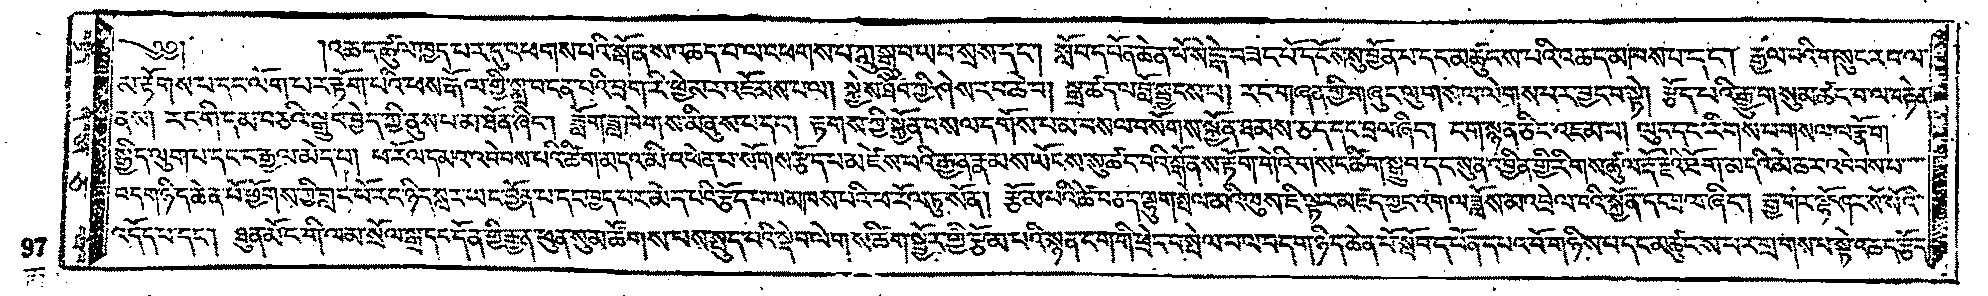༄༅། །འཆད་ཚུལ་ཁྱད་པར་དུ་འཕགས་པའི་སྒོ་ནས་འཆད་པ་ལ་འཕགས་པ་ཀླུ་སྒྲུབ་ཡབ་སྲས་དང་། སློབ་དཔོན་ཆེན་པོ་སེངྒེ་བཟང་པོ་དངོས་སུ་བྱོན་པ་དང་མཚུངས་པའི་འཆད་མཁས་པ་དང་། རྒྱལ་བའི་གསུང་རབ་ལ་
མ་རྟོགས་པ་དང་ལོག་པར་རྟོག་པའི་ཕས་རྒོལ་གྱི་སྨྲ་བ་ངན་པའི་བྲག་རི་ཕྱེ་མར་འཇོམས་པ་ལ། སྐྱེས་ཐོབ་ཀྱི་ཤེས་རབ་ཆེ་བ། སྒྲ་ཚད་ལ་བློ་སྦྱངས་པ། རང་གཞན་གྱི་གཞུང་ལུགས་ལ་ལེགས་པར་བྱང་བ་སྟེ། རྩོད་པའི་རྒྱུ་གསུམ་ཚང་བ་ལ་བརྟེན་
ནས། རང་གི་དམ་བཅའི་སྒྲུབ་བྱེད་ཀྱི་ནུས་པ་མ་ཐོན་ཞིང་། ཟློག་ཟླ་ཁེགས་མི་ནུས་པ་དང་། རྟགས་ཀྱི་སྐྱོན་བསལ་དགོས་པ་མ་བསལ་བ་སོགས་སྐྱོན་ཐམས་ཅད་དང་བྲལ་ཞིང་། ངག་སྙན་ཅིང་འཇམ་པ། ལུང་དང་རིགས་པ་གསལ་ལ་རྣོ་བ།
སྒྱིད་ལུག་པ་དང་ང་རྒྱལ་མེད་པ། ཕ་རོལ་དམའ་འབེབས་པའི་ཚིག་མདའ་མི་འཕེན་པ་སོགས་རྩོད་པ་མཛེས་པའི་རྒྱན་རྣམས་ཡོངས་སུ་ཚང་བའི་སྒོ་ནས་རྟོག་གེའི་གསང་ཚིག་སྒྲུབ་དང་སུན་འབྱིན་གྱི་རིགས་ཚུལ་རྡོ་རྗེའི་ཐོག་མདའི་མེ་ཆར་འབེབས་པ་
བདག་ཉིད་ཆེན་པོ་ཕྱོགས་ཀྱི་གླང་པོ་རང་ཉིད་སླར་ཡང་བྱོན་པ་དང་ཁྱད་པར་མེད་པའི་རྩོད་པ་ལ་མཁས་པའི་ཕ་རོལ་ཏུ་སོན། རྩོམ་པའི་ཚེ་བཅད་ལྷུག་སྤེལ་མའི་ལུས་ཇི་ལྟར་མཛད་ཀྱང་འགལ་ཟློས་མ་འབྲེལ་བའི་སྐྱོན་དང་བྲལ་ཞིང་། རྒྱ་གར་ལྷོ་ཤར་སོ་སོའི་
འདོད་པ་དང་། ཐུན་མོང་གི་ལམ་སྲོལ་སྒྲ་དང་དོན་གྱི་རྒྱན་ཕུན་སུམ་ཚོགས་པས་སྤུད་པའི་སྡེབ་ལེགས་ཚིག་སྦྱོར་གྱི་རྩོམ་པའི་སྙན་ངག་གི་ཕྲེང་བ་སྤེལ་བ་ལ་བདག་ཉིད་ཆེན་པོ་སློབ་དཔོན་དཔའ་བོ་གཉིས་པ་དང་མཚུངས་པར་གྲགས་པ་སྟེ་འཆད་རྩོད་